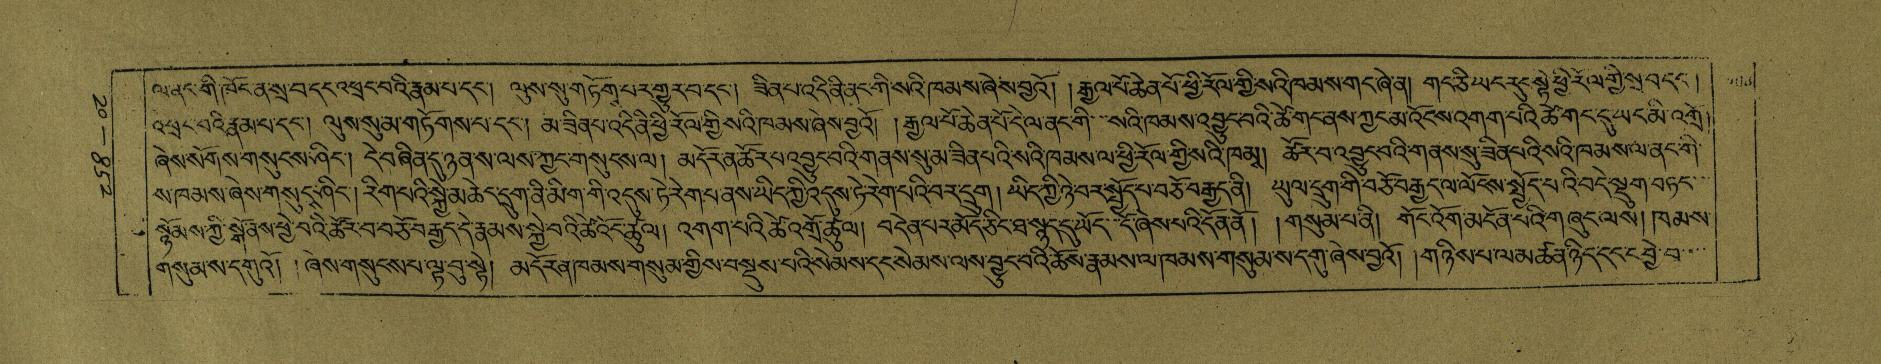ལ་ནང་གི་ཁོང་ན་སྲ་བ་དང་འཕྲང་བའི་རྣམ་པ་དང་། ལུས་སུ་གཏོགས་པར་གྱུར་བ་དང་། ཟིན་པ་འདི་ནི་ནང་གི་སའི་ཁམས་ཞེས་བྱའོ། །རྒྱལ་པོ་ཆེན་པོ་ཕྱི་རོལ་གྱི་སའི་ཁམས་གང་ཞེ་ན། གང་ཅི་ཡང་རུང་སྟེ་ཕྱི་རོལ་གྱི་སྲ་བ་དང་།
འཕྲང་བའི་རྣམ་པ་དང་། ལུས་སུ་མ་གཏོགས་པ་དང་། མ་ཟིན་པ་འདི་ནི་ཕྱི་རོལ་གྱི་སའི་ཁམས་ཞེས་བྱའོ། །རྒྱལ་པོ་ཆེན་པོ་དེ་ལ་ནང་གི་སའི་ཁམས་འབྱུང་བའི་ཚེ་གང་ནས་ཀྱང་མ་འོངས་འགག་པའི་ཚེ་གང་དུ་ཡང་མི་འགྲོ།
ཞེས་སོགས་གསུངས་ཤིང་། དེ་བཞིན་དུ་ཉན་ས་ལས་ཀྱང་གསུངས་ལ། མདོར་ན་ཚོར་བ་འབྱུང་བའི་གནས་སུ་མ་ཟིན་པའི་སའི་ཁམས་ལ་ཕྱི་རོལ་གྱི་སའི་ཁམས། ཚོར་བ་འབྱུང་བའི་གནས་སུ་ཟིན་པའི་སའི་ཁམས་ལ་ནང་གི་
ས་ཁམས་ཞེས་གསུངས་ཤིང་། རིག་པའི་སྐྱེ་མཆེད་དྲུག་ནི་མིག་གི་འདུས་ཏེ་རེག་པ་ནས་ཡིད་ཀྱི་འདུས་ཏེ་རེག་པའི་བར་དྲུག། ཡིད་ཀྱི་ཉེ་བར་སྤྱོད་པ་བཅོ་བརྒྱད་ནི། ཡུལ་དྲུག་གི་བཅོ་བརྒྱད་ལ་ལོངས་སྤྱོད་པའི་བདེ་སྡུག་བཏང་
སྙོམས་ཀྱི་སྒོ་ནས་ཕྱེ་བའི་ཚོར་བ་བཅོ་བརྒྱད་དེ་རྣམས་སྐྱེ་བའི་ཚེ་འོང་ཚུལ། འགག་པའི་ཚེ་འགྲོ་ཚུལ། བདེན་པར་མོད་ཅིང་ཐ་སྙད་དུ་ཡོད་དོ་ཞེས་པའི་དོན་ནོ། །གསུམ་པ་ནི། གོང་འོག་མངོན་པའི་གཞུང་ལས། ཁམས་
གསུམ་ས་དགུའོ། །ཞེས་གསུངས་པ་ལྟ་བུ་སྟེ། མདོར་ན་ཁམས་གསུམ་གྱིས་བསྡུས་པའི་སེམས་དང་སེམས་ལས་བྱུང་བའི་ཆོས་རྣམས་ལ་ཁམས་གསུམ་ས་དགུ་ཞེས་བྱའོ། །གཉིས་པ་ལ་མཚན་ཉིད་དང་དབྱེ་བ་